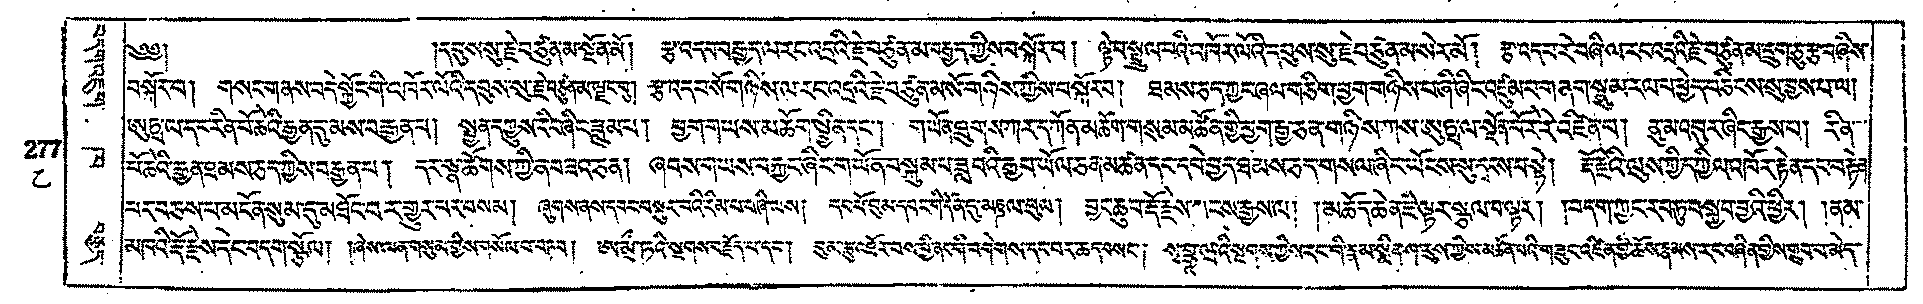༄༅། །དབུས་སུ་རྗེ་བཙུན་མ་སྔོན་མོ། རྩ་འདབ་བརྒྱད་ལ་རང་འདྲའི་རྗེ་བཙུན་མ་བརྒྱད་ཀྱིས་བསྐོར་བ། ལྟེ་བ་སྤྲུལ་པའི་འཁོར་ལོའི་དབུས་སུ་རྗེ་བཙུན་མ་སེར་མོ། རྩ་འདབ་རེ་བཞི་ལ་རང་འདྲའི་རྗེ་བཙུན་མ་དྲུག་ཅུ་རྩ་བཞིས་
བསྐོར་བ། གསང་གནས་བདེ་སྐྱོང་གི་འཁོར་ལོའི་དབུས་སུ་རྗེ་བཙུན་མ་ལྗང་གུ། རྩ་འདབ་སོ་གཉིས་ལ་རང་འདྲའི་རྗེ་བཙུན་མ་སོ་གཉིས་ཀྱིས་བསྐོར་བ། ཐམས་ཅད་ཀྱང་ཞལ་གཅིག་ཕྱག་གཉིས་པ་ཞི་ཞིང་འཛུམ་པ་གནག་སྣུམ་རལ་པ་ཕྱེད་བཅིངས་སུ་བྱས་པ་ལ།
ཨུཏྤ་ལ་དང་རིན་པོ་ཆེའི་རྒྱན་དུ་མས་བརྒྱན་པ། སྤྱན་དཀྱུས་རིང་ཞིང་ཟླུམ་པ། ཕྱག་གཡས་མཆོག་སྦྱིན་དང་། གཡོན་ཐུགས་ཀར་དཀོན་མཆོག་གསུམ་ཚོན་གྱི་ཕྱག་རྒྱ་ཅན་གཉིས་ཀས་ཨུཏྤ་ལ་སྣོན་པོ་རེ་རེ་འཛིན་པ། ནུ་མ་འདུར་ཞིང་རྒྱས་པ། རིན་་་
པོ་ཆེའི་རྒྱན་ཐམས་ཅད་ཀྱིས་བརྒྱན་པ། དར་སྣ་ཚོགས་ཀྱི་ན་བའི་ཅན། ཞབས་གཡས་བརྐྱང་ཞིང་གཡོན་བསྐུམ་པ་ཟླ་བའི་རྒྱབ་ཡོལ་ཅན་མཚན་དང་དཔེ་བྱད་ཐམས་ཅད་གསལ་ཞིང་ཡོངས་སུ་དྭངས་པ་སྟེ། རྡོ་རྗེའི་ལུས་ཀྱི་དཀྱིལ་འཁོར་རྟེན་དང་བརྟེན་
པར་བཅས་པ་མངོན་སུམ་དུ་མཐོང་བར་གྱུར་པར་བསམ། ཞུགས་ནས་དབང་བསྐུར་བའི་རིམ་པ་བཞི་ལས། དང་པོ་བུམ་དབང་གི་དོན་དུ་མཎྜལ་ཕུལ།  བྱང་ཆུབ་རྡོ་རྗེས་སངས་རྒྱས་ལ། །མཆོད་ཆེན་ཇི་ལྟར་སྩལ་བ་ལྟར། །བདག་ཀྱང་རབ་ཏུ་བསྐྱབ་བྱའི་ཕྱིར། །ནམ་
མཁའི་རྡོ་རྗེས་དེང་བདག་སྩོལ། །ཞེས་ལན་གསུམ་གྱིས་གསོལ་བ་བཏབ།  ཨ་མྲྀ་ཏའི་སྔགས་བརྗོད་པ་དང་། བུམ་ཆུ་འཐོར་བས་ཕྱི་ནང་གི་བགེགས་དང་བར་ཆད་བསང་། སྭ་བྷཱ་ཝའི་སྔགས་ཀྱིས་རང་གི་རྣམ་སྨིན་ཤ་རུས་ཀྱིས་མཚོན་པའི་གཟུང་འཛིན་གྱི་ཆོས་རྣམས་རང་བཞིན་གྱིས་གྲུབ་པ་མེད་་་